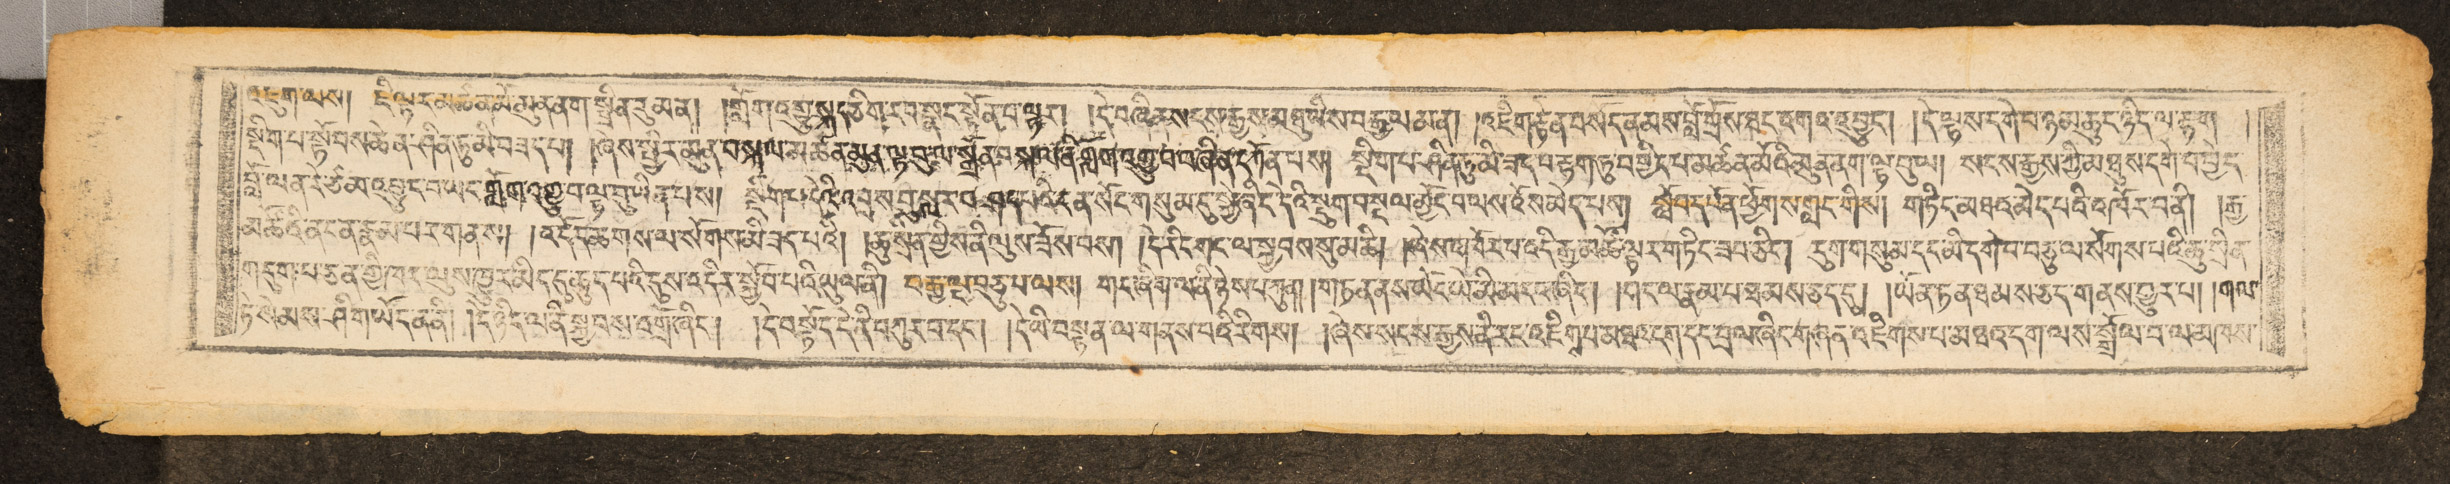འཇུག་ལས། །ཇི་ལྟར་མཚན་མོ་མུན་ནག་སྤྲིན་དུ་མ་ན། །གློག་འགྱུ་སྐད་ཅིག་རབ་སྣང་སྟོན་པ་ལྟར། །དེ་བཞིན་སངས་རྒྱས་མཐུ་ཡིས་བརྒྱ་ལམ་ན། །འཇིག་རྟེན་བསོད་ནམས་བློ་གྲོས་ཐང་འགའ་འབྱུང་། །དེ་ལྟས་དགེ་བ་ཉམ་ཆུང་ཉིད་ལ་རྟག །
སྡིག་པ་སྟོབས་ཆེན་ཤིན་ཏུ་མི་བཟད་པ། །ཞེས་སྤྱིར་མུན་བསྐལ་མཚན་མུན་ལྟ་བུ་ལ་སྒྲོན་བསྐལ་ནི་གློག་འགྱུ་བ་བཞིན་དཀོན་པས། །སྡིག་པ་ཤིན་ཏུ་མི་ཟད་པ་རྟག་ཏུ་བགྱིང་པ་མཚན་མོའི་མུན་ནག་ལྟ་བུ་ལ། སངས་རྒྱས་ཀྱི་མཐུས་དགེ་བ་བྱེད་
བློ་ལ་ན་རེ་ཙམ་འབྱུང་བ་ཡང་གློག་འགྱུ་བ་ལྟ་བུ་ཡིན་པས། །སྡིག་པ་དེའི་འབྲས་བུ་སྔར་བཤད་པའི་ངན་སོང་གསུམ་དུ་སྐྱེ་ཞིང་དེའི་སྡུག་བསྔལ་མྱོང་བ་ལས་འོས་མེད་པས། །སློབ་དཔོན་ཕྱོགས་གླང་གིས། །གཏིང་མཐའ་མེད་བའི་འཁོར་བ་ནི། །རྒྱ་
མཚོའི་ནང་ན་རྣམ་པར་གནས། །འདོད་ཆགས་ལ་སོགས་མི་ཟད་པའི། །ཆུ་སྲིན་གྱིས་ནི་ལུས་ཟོས་བས། །དེ་རིང་གང་ལ་སྐྱབས་སུ་མཆི། །ཞེས་འཁོར་པ་འདི་རྒྱ་མཚོ་ལྟར་གཏིར་ཟབ་ཅིང་། །དུག་གསུམ་དང་མི་དགེ་བ་བཅུ་ལ་སོགས་པའི་ཆུ་སྲིན་
གདུག་པ་ཅན་གྱི་ཁར་ལུས་ཁྱུར་མིང་དུ་ཆུད་པའི་དུས་འདིར་སྐྱོབ་པའི་ཡུལ་ནི། །བརྒྱ་ལྔ་བཅུ་པ་ལས། །གང་ཞིག་ལ་ནི་ཉིས་པ་ཀུན། །གཏན་ནས་ཡོང་ཡེ་མི་མངའ་ཞིང་། །གང་ལ་རྣམ་པ་ཐམས་ཅད་དུ། །ཡོན་ཏན་ཐམས་ཅད་གནས་གྱུར་པ། །གལ་
ཏེ་སེམས་ཤིག་ཡོད་ན་ནི། །དེ་ཉིད་ལ་ནི་སྐྱབས་འགྲོ་ཞིང་། །དེ་བསྟོད་དེ་ནི་བགུར་བ་དང་། །དེ་ཡི་བསྟན་ལ་གནས་པའི་རིགས། །ཞེས་སངས་རྒྱས་ནི་རང་འཇིགས་པ་མཐའ་དག་དང་བྲལ་ཞེང་གཞན་འཇིགས་པ་མཐའ་དག་ལས་སྒོལ་བ་ལ་མཁས་